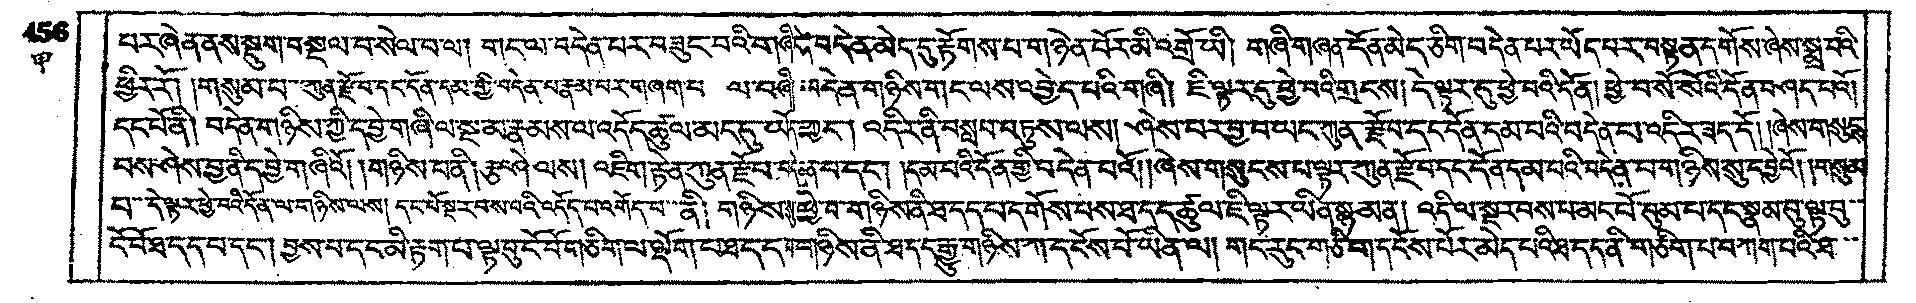པར་ཞེན་ནས་སྡུག་བསྔལ་བ་སེལ་བ་ལ། གང་ལ་བདེན་པར་བཟུང་བའི་གཞི་དེ་བདེན་མེད་དུ་རྟོགས་པ་གཉེན་པོར་མི་འགྲོ་ཡི། གཞི་གཞན་དོན་མེད་ཅིག་བདེན་པར་ཡོད་པར་བསྟན་དགོས་ཞེས་སྨྲ་བའི་
ཕྱིར་རོ། །གསུམ་པཀུན་རྫོབ་དང་དོན་དམ་གྱི་བདེན་པ་རྣམ་པར་གཞག་པ་ལ་བཞི། བདེན་གཉིས་གང་ལས་འབྱེད་པའི་གཞི། ཇི་ལྟར་དུ་ཕྱེ་བའི་གྲངས། དེ་ལྟར་དུ་ཕྱེ་བའི་དོན། ཕྱེ་བ་སོ་སོའི་དོན་བཤད་པའོ།
དང་པོ་ནི། བདེན་གཉིས་ཀྱི་དབྱེ་གཞི་ལ་སྔ་མ་རྣམས་ལ་འདོད་ཚུལ་མང་དུ་ཡོད་ཀྱང་། འདིར་ནི་བསླབ་བཏུས་ལས། ཤེས་པར་བྱ་བ་ཡང་ཀུན་རྫོབ་དང་དོན་དམ་པའི་བདེན་པ་འདིར་ཟད་དོ། །ཞེས་གསུངས་
པས་ཤེས་བྱ་ནི་དབྱེ་གཞིའོ། །གཉིས་པ་ནི། རྩ་ཤེ་ལས། འཇིག་རྟེན་ཀུན་རྫོབ་བདེན་པ་དང་། །དམ་པའི་དོན་གྱི་བདེན་པའོ། །ཞེས་གསུངས་པ་ལྟར་ཀུན་རྫོབ་དང་དོན་དམ་པའི་བདེན་པ་གཉིས་སུ་དབྱེའོ། །གསུམ་
པདེ་ལྟར་ཕྱེ་བའི་དོན་ལ་གཉིས་ལས། དང་པོ་སྔ་རབས་བའི་འདོད་པ་འགོད་པནི། །གཉིས་སུ་ཕྱེ་བ་གཉིས་ནི་ཐ་དད་པ་དགོས་པས་ཐ་དད་ཚུལ་ཇི་ལྟར་ཡིན་སྙམ་ན། འདི་ལ་སྔ་རབས་པ་མང་པོ་བུམ་པ་དང་སྣམ་བུ་ལྟ་བུ་
ངོ་བོ་ཐ་དད་པ་དང་། བྱས་པ་དང་མི་རྟག་པ་ལྟ་བུ་ངོ་བོ་གཅིག་ལ་ལྡོག་པ་ཐ་དད་པ་གཉིས་ནི་ཐ་དད་རྒྱུ་གཉིས་ཀ་དངོས་པོ་ཡིན་ལ། གང་རུང་གཅིག་དངོས་པོར་མེད་པའི་ཐ་དད་ནི་གཅིག་པ་བཀག་པའི་ཐ་